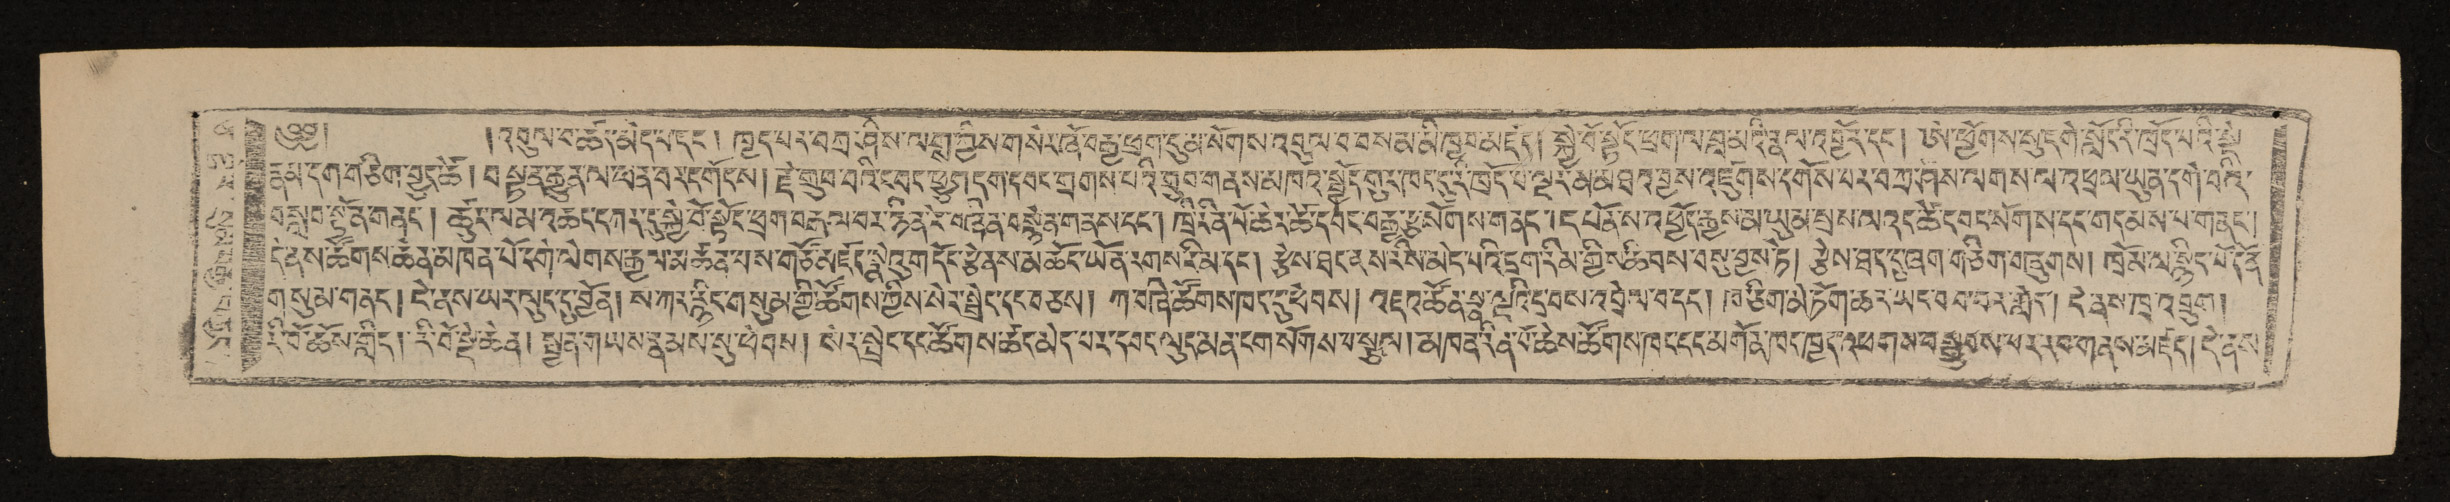༄༅། །འབུལ་བ་ཚང་མེད་པ་དང་། ཁྱད་པར་བཀྲ་ཤིས་ལགས་ཀྱིས་གསེར་ཞོ་བརྒྱ་ཕྲག་དུ་མ་སོགས་འབུལ་བ་བསམ་མི་ཁྱབ་མཛད། སྐྱེ་བོ་སྟོང་ཕྲག་ལ་བླ་མའི་རྣལ་འབྱོར་དང་། ཨེ་ཕྱོགས་སུ་དགེ་སློང་རི་ཁྲོད་པའི་སྡེ་
རྣམ་དག་གཅིག་བྱུང་ཚེ། བསྟན་རྒྱུན་ལ་ཕན་པར་དགོངས། རྗེ་གྲུབ་པའི་དབང་ཕྱུག་ངག་དབང་གྲགས་པའི་གྲུབ་གནས་མཁའ་སྤྱོད་གུར་ཁང་དུ་རི་ཁྲོད་པ་ལྔར་མ་མཐའ་བྱས་འཛུགས་དགོས་པར་བཀྲ་ཤིས་ལགས་ལ་འཕྲལ་ཡུན་དགེ་བའི་
བསླབ་སྟོན་གནང་། ཚུར་ལམ་འཆད་དཀར་དུ་སྐྱེ་བོ་སྟོང་ཕྲག་བརྒལ་བར་ཉིན་རེ་བཞིན་བསྙེན་གནས་དང་། ཁྲི་རིན་པོ་ཆེར་ཚེ་དབང་བརྒྱ་རྩེ་སོགས་གནང་། དཔོན་ས་འཕྱོང་རྒྱས་མ་ཡུམ་སྲས་ལའང་ཚེ་དབང་སོགས་དང་གདམས་པ་གནང་།
དེ་ནས་ཚོགས་ཆེན་མཁན་པོ་དགེ་ལེགས་རྒྱལ་མཚན་པས་གཙོ་མཛད་སྣེའུ་གདོང་རྩེ་ནས་མཆོད་ཡོན་རགས་རིམ་དང་། རྩེས་ཐང་ནས་རིས་མེད་པའི་དྲག་རིམ་གྱིས་ཆིབས་བསུ་བྱས་ཏེ། རྩེས་ཐང་དུ་ཞག་གཅིག་བཞུགས། ཁྲོམ་ལ་སྙིང་པོ་དོན་
གསུམ་གནང་། དེ་ནས་ཡར་ལུང་དུ་བྱོན། ས་ཀར་རྙིང་གསུམ་གྱི་ཚོགས་ཀྱིས་སེར་སྦྲེང་དང་བཅས། ཀ་བཞི་ཚོགས་ཁང་དུ་ཕེབས། འཇའ་ཚོན་སྣ་ལྔའི་དྲ་བས་འབྲེལ་བ་དང་། ཁ་ཅིག་མེ་ཏོག་ཆར་ཡང་བབ་བར་གླེང་། དེ་ནས་ཁྲ་འབྲུག།
རི་བོ་ཆོས་གླིང་། རི་བོ་སྡེ་ཆེན། སྤྱན་གཡས་རྣམས་སུ་ཕེབས། སེར་སྦྲེང་དང་ཚོགས་ཚད་མེད་པར་དབང་ལུང་མན་ངག་སོགས་བསྩལ། མཁན་རིན་པོ་ཆོས་ཚོགས་ཁང་དང་མགོན་ཁང་ཁྱད་འཕགས་བསྒྲུབས་པར་རབ་གནས་མཛད། དེ་ནས་